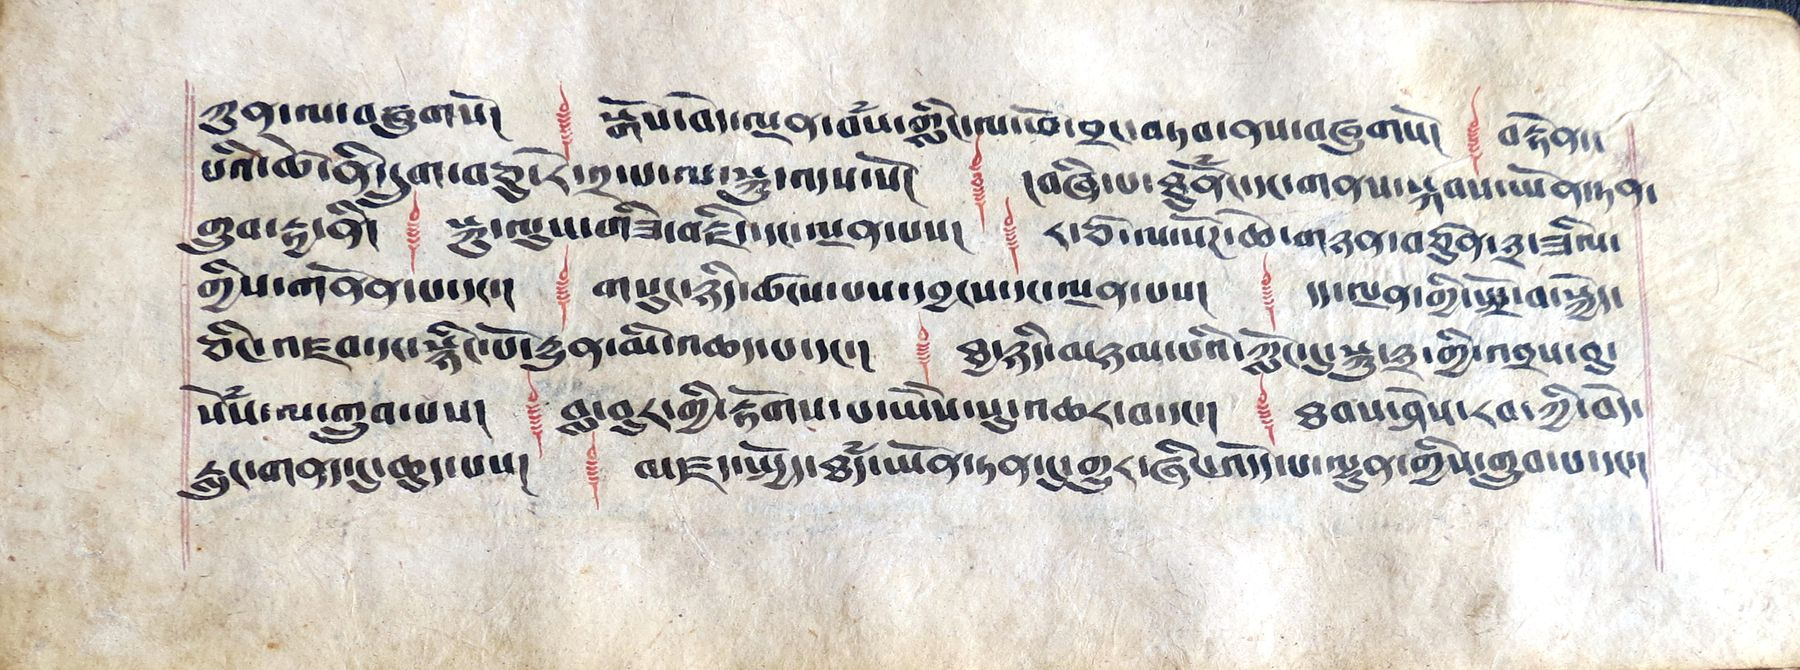ཀུན་ལ་བཞུགས་སོ། ། སྒོས་བདེ་ལྡན་བསམ་གླིང་ལ་ཕོ་བྲང་བཏབ་ནས་བཞུགས་སོ། ། བརྟེན་
པའི་ཚེ་ནི་དྲུག་ཅུ་རེ་གཉིས་པ་ལ་སྐུ་འདས་སོ། ། བཞི་པ་ཐུན་མོང་དང་གནས་སྐབས་ཀྱི་ཡོན་ཏན་
གྲུབ་རྟགས་ནི། སྐུ་ལུས་གཟི་བརྗིད་དང་ལྡན་པས། ར་ཙ་ལས་སོགས་ཆེ་གཉན་བཙུན་གསུམ་ཟིལ་
གྱིས་གནོན་པ་དང་། གསུང་ཉིད་ཚངས་པའི་དབྱངས་དང་ལྡན་པས། དད་ལྡན་གྱི་སྤྲོ་བ་བསྐྱེད་
ཅིང་འཛབ་དང་སྙིང་པོ་རྒྱུན་མི་འཆད་པ་དང་། ཐུགས་ཉིད་མཉམ་པའི་ཀློང་དུ་སྐུ་གསུམ་འབྲས་བུ་
སེམས་ལ་གྲུབ་པས། གློ་བུར་གྱི་རྟོག་པ་ཡེ་ཤེས་སུ་འཆར་བ་དང་། ཐབས་ཤེས་རབ་ཀྱིས་བདེ་
རླུང་ནང་དུ་ཆུད་པས། མཛད་སྤྱོད་ཐམས་ཅད་ཡོན་ཏན་དུ་གྱུར་ཞིང་འདོད་པ་ལྷུན་གྱིས་གྲུབ་པ་དང་།